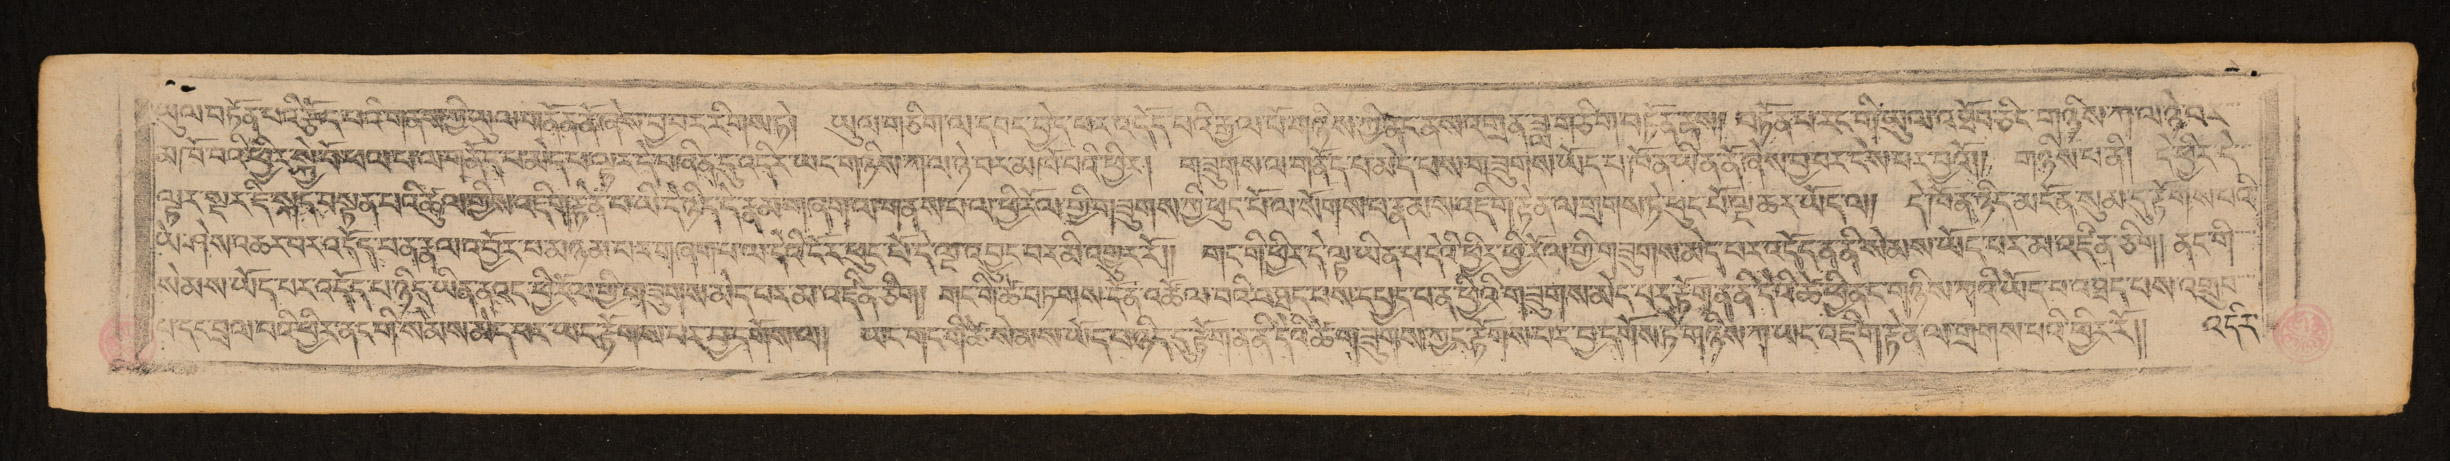ཡུལ་བཏོན་པའི་རྩོད་པའི་གནས་ཀྱི་ཡུལ་གནོན་ནོ་ཞེས་བྱ་བར་རིགས་ཏེ། ཡུལ་གཅིག་ལ་དབང་བྱེད་པར་འདོད་པའི་རྒྱལ་པོ་གཉིས་ཀྱི་ནང་ནས་འགྲན་ཟླ་གཅིག་བཏོན་ནས། བཏོན་པ་རང་གི་ཡུལ་འཐོབ་ཅིང་གཉིས་ཀ་ལ་ཉེ་བར་
མཁོ་བའི་ཕྱིར་སྐྱེ་བོ་ཕལ་པ་ལ་གནོད་པ་མེད་པ་ལྟར་དེ་བཞིན་དུ་འདིར་ཡང་གཉིས་ཀ་ལ་ཉེ་བར་མཁོ་བའི་ཕྱིར། གཟུགས་ལ་གནོད་པ་མེད་པས་གཟུགས་ཡོད་པ་ཁོ་ན་ཡིན་ནོ་ཞེས་བྱ་བར་ངེས་པར་བྱའོ།། གཉིས་པ་ནི། དེ་ཕྱིར་དེ་
ལྟར་སྔར་ཇི་སྐད་བསྟན་པའི་ཚུལ་གྱིས་འཇིག་རྟེན་པ་ཡི་དེ་ཉིད་དེ་རྣམ་གཞག་ལ་གནས་པ་ལ་ཕྱི་རོལ་གྱི་གཟུགས་ཀྱི་ཕུང་པོ་ལ་སོགས་པ་རྣམས་འཇིག་རྟེན་ལ་གྲགས་ཏེ་ཕུང་པོ་ལྔ་ཆར་ཡོད་ལ། དེ་ཁོ་ན་ཉིད་མངོན་སུམ་དུ་རྟོགས་པའི་
ཡེ་ཤེས་འཆར་བར་འདོད་པ་ན་རྣལ་འབྱོར་པ་མཉམ་པར་གཞག་པ་ལ་དེའི་ངོར་ཕུང་པོ་དེ་ལྔ་འབྱུང་བར་མི་འགྱུར་རོ།། གང་གི་ཕྱིར་དེ་ལྟ་ཡིན་པ་དེའི་ཕྱིར་ཕྱི་རོལ་གྱི་གཟུགས་མེད་པར་འདོད་ན་ནི་སེམས་ཡོད་པར་མ་འཛིན་ཅིག། ནང་གི་
སེམས་ཡོད་པར་འདོད་པ་ཉིད་ཡིན་ནའང་ཕྱི་རོལ་གྱི་གཟུགས་མེད་པར་མ་འཛིན་ཅིག། གང་གི་ཚེ་བཏགས་དོན་འཚོལ་བའི་འཐད་པས་དཔྱད་པ་ན་ཕྱིའི་གཟུགས་མེད་པར་རྟོག་ན་ནི་དེའི་ཚེ་ཕྱི་ནང་གཉིས་ཀའི་ཡོད་པ་འཐད་པས་ལས་འགྲུབ་
པ་དང་བྲལ་བའི་ཕྱིར་ནང་གི་སེམས་མེད་པར་ཡང་རྟོགས་པར་བྱ་དགོས་ལ། ཡང་གང་གི་ཚེ་སེམས་ཡོད་པ་ཉིད་དུ་རྟོག་ན་ནི་དེའི་ཚེ་གཟུགས་ཀྱང་རྟོགས་པར་བྱ་དགོས་ཏེ་གཉིས་ཀ་ཡང་འཇིག་རྟེན་ལ་གྲགས་པའི་ཕྱིར་རོ།། འདིར་